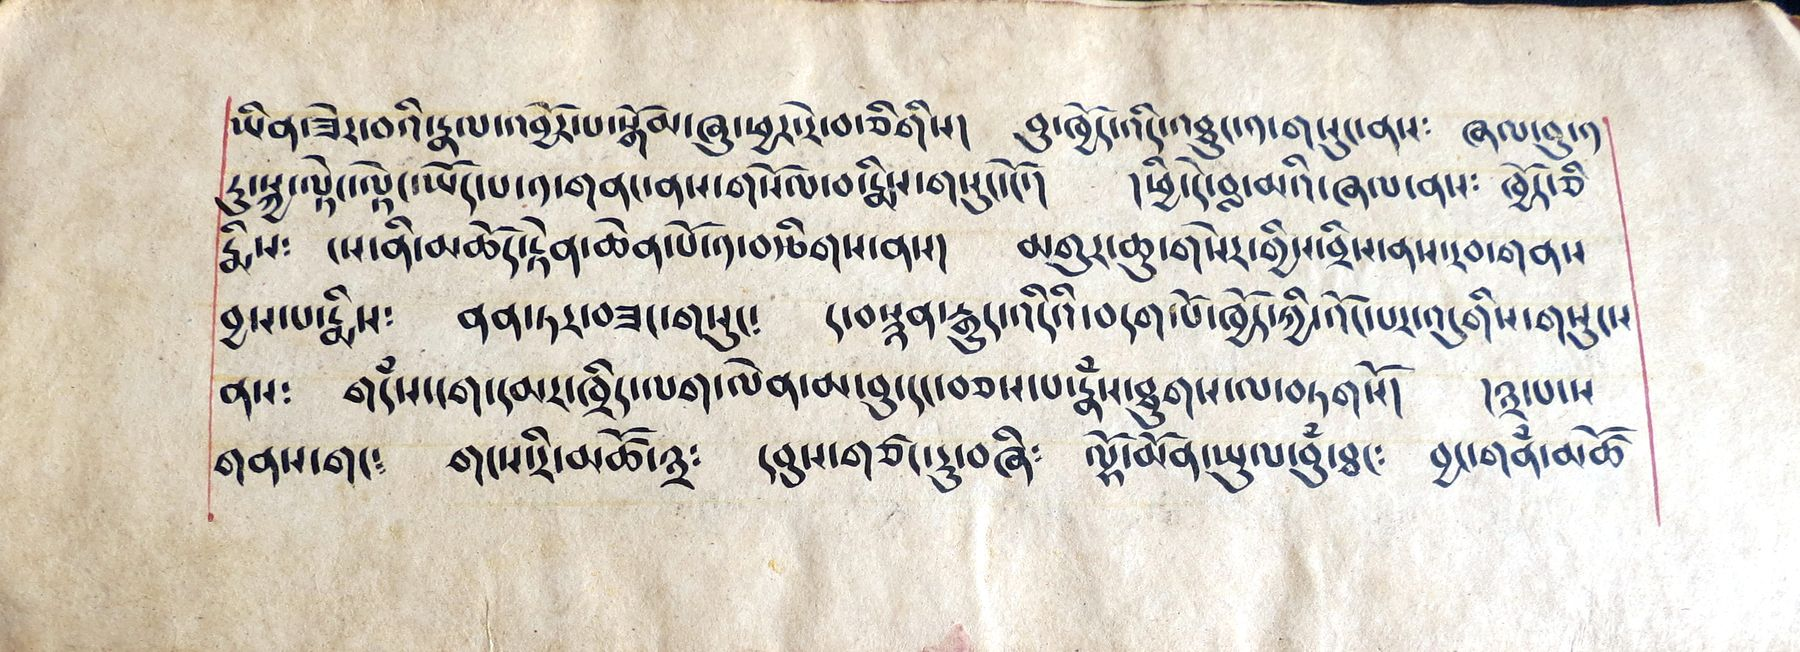ཡིན་ཟེར་བའི་རྣལ་འབྱོར་པ། སྒོམ་ཞུ་ཕྱར་རེ་བ་ཅིག་གིས་བུ་ཁྱོད་འདི་འཐུང་ཅིག་གསུངས་ནས། ཞལ་བུ་ཞིག་
ཏུ་སྐྱ་ལྟེང་ལྟེང་ཡོད་པ་ཞིག་གནང་ནས་གསོལ་བ་རྨིས་གསུང་ངོ་། ཕྱི་དེ་བླ་མའི་ཞལ་ནས། ཁྱོད་ཅི་
རྨིས། ངས་ནི་མཆོད་རྟེན་ཆེན་པོ་གཅིག་བརྩེགས་ནས། མགུལ་ཆུ་གསེར་གྱིས་བྲིས་ཏེ་རབ་གནས་
བྱས་པ་རྨིས། ནན་ཏར་བཟང་གསུངས། །ད་སྙན་རྒྱུད་འདིའི་བདག་པོ་ཁྱོད་ཀྱིས་འོང་པར་འདུག་གིས་གསུངས་
ནས། གདམས་དམར་ཁྲིད་ལག་ལེན་མ་བུ་དང་བཅས་པ་རྣམས་ཐུགས་ལ་བཏགས་སོ། །གསུམ་པ་ས་
གནས་གང་། གངས་རི་མཚོ་གསུམ། དབུས་གཙང་རུ་བཞི། ལྷོ་མོན་ཡུལ་བུམ་ཐང་། བྱང་གནམ་མཚོ་